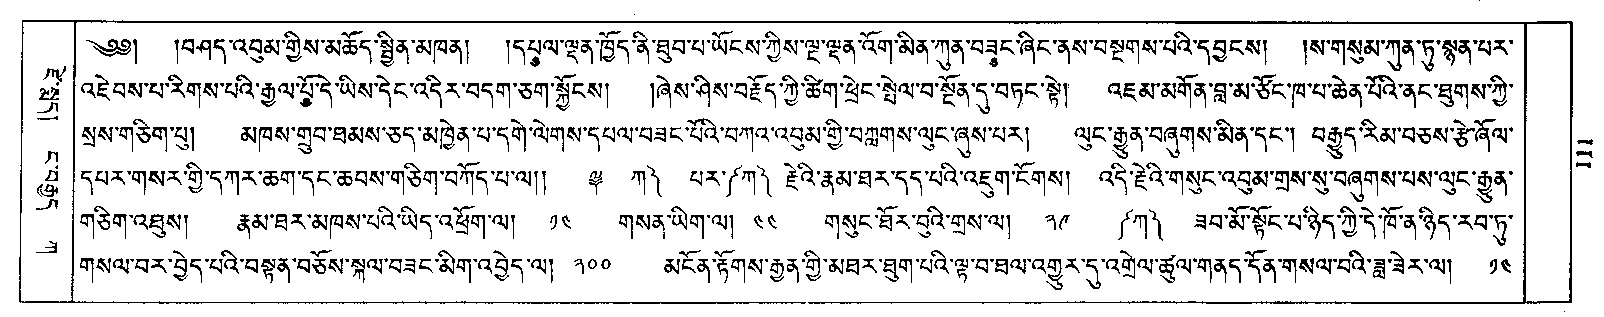༄༅། །བཤད་འབུམ་གྱིས་མཆོད་སྦྱིན་མཁན། །དཔལ་ལྡན་ཁྱོད་ནི་ཐུབ་པ་ཡོངས་ཀྱིས་ལྔ་ལྡན་འོག་མིན་ཀུན་བཟང་ཞིང་ནས་བསྔགས་པའི་དབྱངས། །ས་གསུམ་ཀུན་ཏུ་སྙན་པར་
འཇེབས་པ་རིགས་པའི་རྒྱལ་པོ་དེ་ཡིས་དེང་འདིར་བདག་ཅག་སྐྱོངས། །ཞེས་ཤིས་བརྗོད་ཀྱི་ཚིག་ཕྲེང་སྤེལ་བ་སྔོན་དུ་བཏང་སྟེ། འཇམ་མགོན་བླ་མ་ཙོང་ཁ་པ་ཆེན་པོའི་ནང་ཐུགས་ཀྱི་
སྲས་གཅིག་པུ། མཁས་གྲུབ་ཐམས་ཅད་མཁྱེན་པ་དགེ་ལེགས་དཔལ་བཟང་པོའི་བཀའ་འབུམ་གྱི་བཀླགས་ལུང་ཞུས་པར། ལུང་རྒྱུན་བཞུགས་མིན་དང་། བརྒྱུད་རིམ་བཅས་རྩེ་ཞོལ་
དཔར་གསར་གྱི་དཀར་ཆག་དང་ཆབས་གཅིག་བཀོད་པ་ལ།། ༈ ཀ༼་པར་?ཀ༽ རྗེའི་རྣམ་ཐར་དད་པའི་འཇུག་ངོགས། འདི་རྗེའི་གསུང་འབུམ་གྲས་སུ་བཞུགས་པས་ལུང་རྒྱུན་
གཅིག་འཐུས། རྣམ་ཐར་མཁས་པའི་ཡིད་འཕྲོག་ལ། ༡༤་གསན་ཡིག་ལ། ༤༤་གསུང་ཐོར་བུའི་གྲས་ལ། ༢༩་?ཀ་ཟབ་མོ་སྟོང་པ་ཉིད་ཀྱི་དེ་ཁོ་ན་ཉིད་རབ་ཏུ་
གསལ་བར་བྱེད་པའི་བསྟན་བཅོས་སྐལ་བཟང་མིག་འབྱེད་ལ། ༢༠༠་མངོན་རྟོགས་རྒྱན་གྱི་མཐར་ཐུག་པའི་ལྟ་བ་ཐལ་འགྱུར་དུ་འགྲེལ་ཚུལ་གནད་དོན་གསལ་བའི་ཟླ་ཟླ་ཟེར་ལ། ༡༤